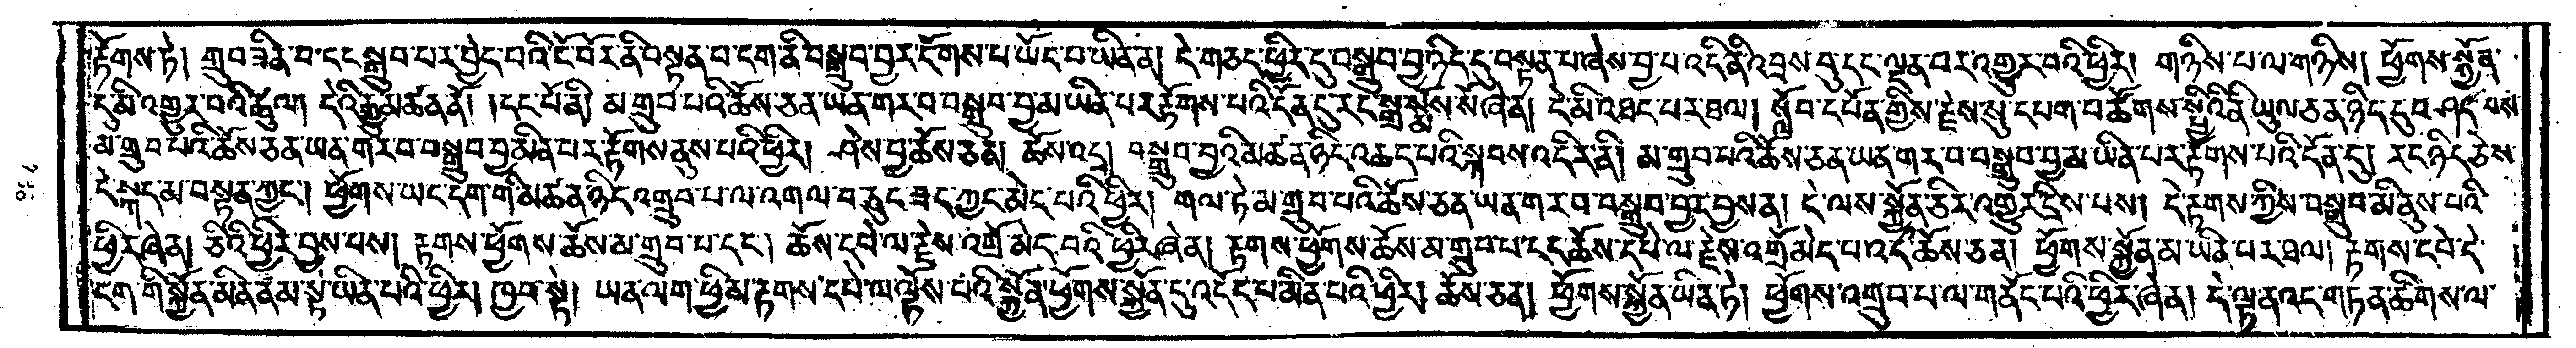རྟོགས་ཏེ། གྲུབ་ཟིན་བ་དང་སྒྲུབ་པར་བྱེད་པའི་ངོ་བོར་ནི་བསྟན་པ་དག་ནི་བསྒྲུབ་བྱར་ངོགས་པ་ཡོད་པ་ཡིན་ན། དེ་གཅད་ཕྱིར་དུ་བསྒྲུབ་བྱ་ཉིད་དུ་བསྟན་པ་ཞེས་བྱ་བ་འདི་ནི་འབྲས་བུ་དང་ལྡན་བར་འགྱུར་བའི་ཕྱིར། གཉིས་པ་ལ་གཉིས། ཕྱོགས་སྐྱོན་
དུ་མི་འགྱུར་བའི་ཚུལ། དེའི་རྒྱུ་མཚན་ནོ། །དང་པོ་ནི། མ་གྲུབ་པའི་ཆོས་ཅན་ཡན་གར་བ་བསྒྲུབ་བྱ་མ་ཡིན་པར་རྟོགས་པའི་དོན་དུ་རང་སྒྲ་སྨོས་སོ་ཞེ་ན། དེ་མི་འཐད་པར་ཐལ། སློབ་དཔོན་གྱིས་རྗེས་སུ་དཔག་བ་ཚོགས་སྤྱིའི་ནི་ཡུལ་ཅན་ཉིད་དུ་བཤད་པས་
མ་གྲུབ་པའི་ཆོས་ཅན་ཡན་གར་བ་བསྒྲུབ་བྱ་མིན་པར་རྟོགས་ནུས་པའི་ཕྱིར། ཤེས་བྱ་ཆོས་ཅན། ཆོས་འདྲ། བསྒྲུབ་བྱའི་མཚན་ཉིད་འཆད་པའི་སྐབས་འདིར་ནི། མ་གྲུབ་པའི་ཆོས་ཅན་ཡན་གར་བ་བསྒྲུབ་བྱ་མ་ཡིན་པར་རྟོགས་པའི་དོན་དུ། རང་ཉིད་ཅེས་
དེ་སྐད་མ་བསྟན་ཀྱང་། ཕྱོགས་ཡང་དག་གི་མཚན་ཉིད་འགྲུབ་པ་ལ་འགལ་བ་ཅུང་ཟད་ཀྱང་མེད་པའི་ཕྱིར། གལ་ཏེ་མ་གྲུབ་པའི་ཆོས་ཅན་ཡན་ག་རབ་བསྒྲུབ་བྱར་བྱས་ན། དེ་ལས་སྐྱོན་ཅིང་འགྱུར་དྲིས་པས། དེ་རྟགས་ཀྱིས་བསྒྲུབ་མི་ནུས་པའི་
ཕྱིར་ཞེ་ན། ཅིའི་ཕྱིར་བྱས་པས། རྟགས་ཕྱོགས་ཆོས་མ་གྲུབ་པ་དང་། ཆོས་དཔེ་ལ་རྗེས་འགྲོ་མེད་པའི་ཕྱིར་ཞེ་ན། རྟགས་ཕྱོགས་ཆོས་མ་གྲུབ་པ་དང་ཆོས་དཔེ་ལ་རྗེས་འགྲོ་མེད་པ་འདི་ཆོས་ཅན། ཕྱོགས་སྐྱོན་མ་ཡིན་པར་ཐལ། རྟགས་དཔེ་དེ་
དག་གི་སྐྱོན་མིན་ནམ་སྟེ་ཡིན་པའི་ཕྱིར། ཁྱབ་སྟེ། ཡན་ལག་ཕྱི་མ་རྟགས་དཔེ་ལ་ལྟོས་པའི་སྐྱོན་ཕྱོགས་སྐྱོན་དུ་འདོད་པ་མིན་པའི་ཕྱིར། ཆོས་ཅན། ཕྱོགས་སྐྱོན་ཡིན་ཏེ། ཕྱོགས་འགྲུབ་པ་ལ་གནོད་པའི་ཕྱིར་ཞེ་ན། དེ་ལྟ་ནའང་གཏན་ཚིགས་ལ་